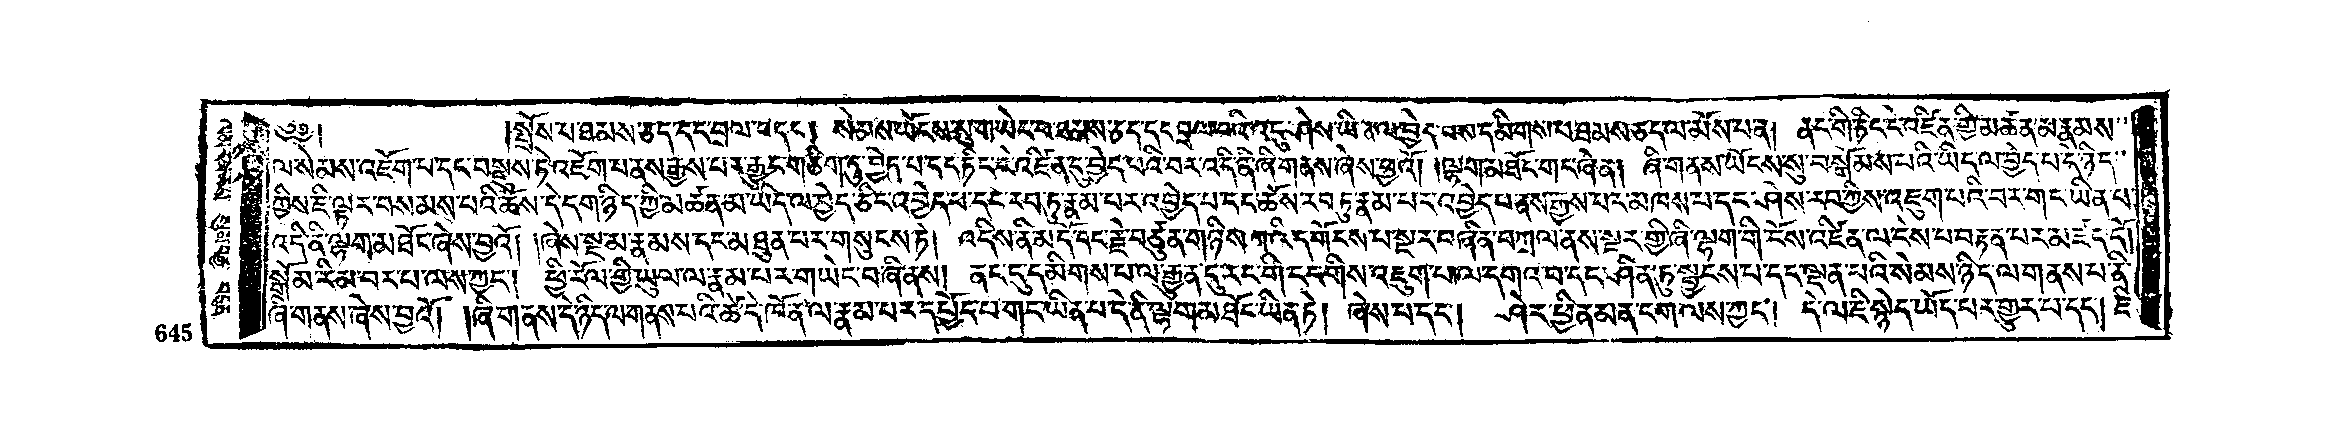༄༅། །སྤྲོས་པ་ཐམས་ཅད་དང་བྲལ་བ་དང་། སེམས་ཡོངས་སུ་གཡེང་བ་ཐམས་ཅད་དང་བྲལ་བའི་འདུ་ཤེས་ཡིད་ལ་བྱེད་པས་དམིགས་པ་ཐམས་ཅད་ལ་མོས་པ་ན། ནང་གི་ཏིང་ངེ་འཛིན་གྱི་མཚན་མ་རྣམས་
ལ་སེམས་འཇོག་པ་དང་བསྡུས་ཏེ་འཇོག་པ་ནས་རྒྱས་པར་རྒྱུད་གཅིག་ཏུ་བྱེད་པ་དང་ཏིང་ངེ་འཛིན་དུ་བྱེད་པའི་བར་འདི་ནི་ཞི་གནས་ཞེས་བྱའོ། །ལྷག་མཐོང་གང་ཞེ་ན། ཞི་གནས་ཡོངས་སུ་བསྒོམས་པའི་ཡིད་ལ་བྱེད་པ་དེ་ཉིད་
ཀྱིས་ཇི་ལྟར་བསམས་པའི་ཆོས་དེ་དག་ཉིད་ཀྱི་མཚན་མ་ཡིད་ལ་བྱེད་ཅིང་འབྱེད་པ་དང་རབ་ཏུ་རྣམ་པར་འབྱེད་པ་དང་ཆོས་རབ་ཏུ་རྣམ་པར་འབྱེད་པ་ནས་རྒྱས་པར་མཁས་པ་དང་ཤེས་རབ་ཀྱིས་འཇུག་པའི་བར་གང་ཡིན་པ་
འདི་ནི་ལྷག་མཐོང་ཞེས་བྱའོ། །ཞེས་སྔ་མ་རྣམས་དང་མཐུན་པར་གསུངས་ཏེ། འདིས་ནི་མདོ་དང་རྗེ་བཙུན་གཉིས་ཀའི་དགོངས་པ་སྔར་བཞིན་བཀྲལ་ནས་སྔར་གྱི་ཞི་ལྷག་གི་ངོས་འཛིན་ལ་ངེས་པ་བརྟན་པར་མཛད་དོ། །
སྒོམ་རིམ་བར་པ་ལས་ཀྱང་། ཕྱི་རོལ་གྱི་ཡུལ་ལ་རྣམ་པར་གཡེང་བ་ཞི་ནས། ནང་དུ་དམིགས་པ་ལ་རྒྱུན་དུ་རང་གི་ངང་གིས་འཇུག་པ་ལ་དགའ་བ་དང་ཤིན་ཏུ་སྦྱངས་པ་དང་ལྡན་པའི་སེམས་ཉིད་ལ་གནས་པ་ནི་
ཞི་གནས་ཞེས་བྱའོ། །ཞི་གནས་དེ་ཉིད་ལ་གནས་པའི་ཚེ་དེ་ཁོ་ན་ལ་རྣམ་པར་དཔྱོད་པ་གང་ཡིན་པ་དེ་ནི་ལྷག་མཐོང་ཡིན་ཏེ། ཞེས་པ་དང་། ཤེར་ཕྱིན་མན་ངག་ལས་ཀྱང་། དེ་ལ་ཇི་སྙེད་ཡོད་པར་གྱུར་པ་དང་། ཇི་